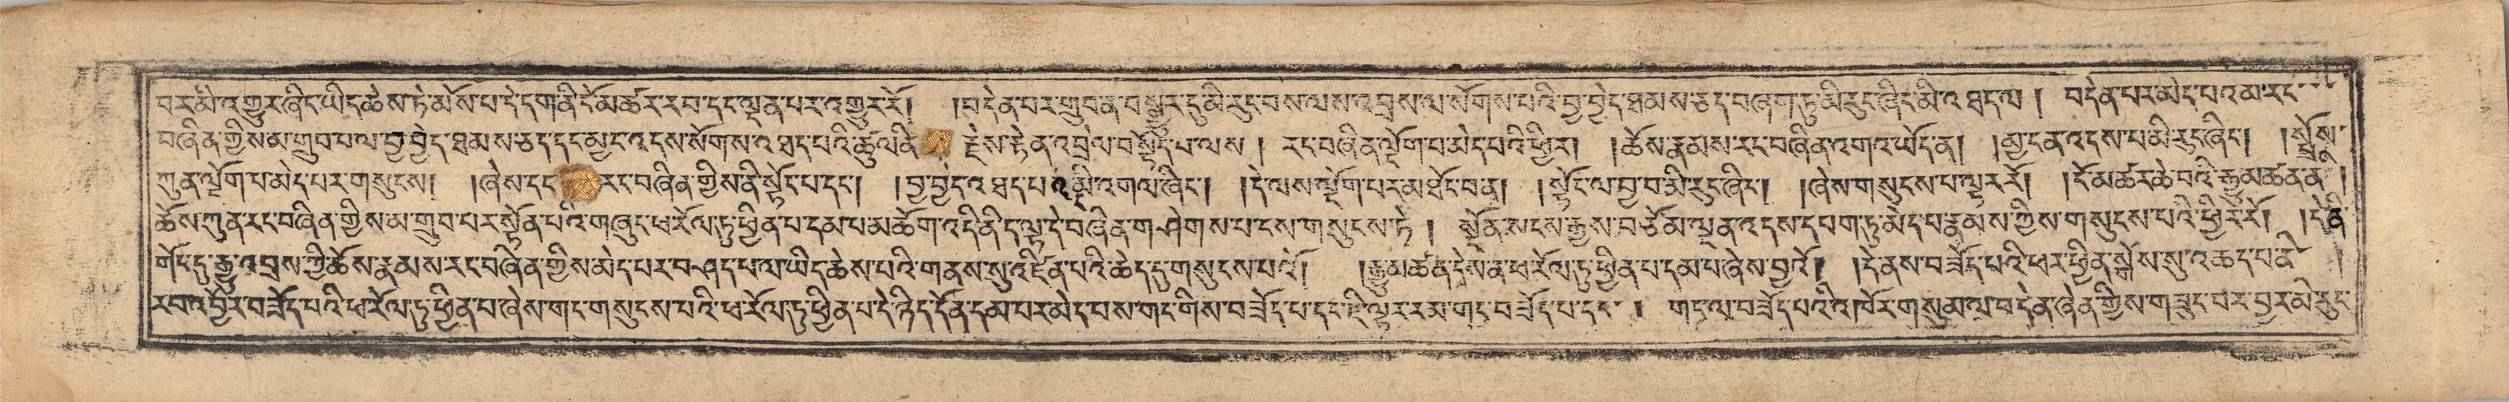བར་མི་འགྱུར་ཞིང་ཡིད་ཆེས་ཏེ་མོས་པ་དེ་དག་ནི་ངོ་མཚར་རབ་དང་ལྡན་པར་འགྱུར་རོ། །བདེན་པར་གྲུབ་ན་བསྒྱུར་དུ་མི་རུང་བས་ལས་འབྲས་ལ་སོགས་པའི་བྱ་བྱེད་ཐམས་ཅད་བཞག་ཏུ་མི་རུང་ཞིང་མི་འཐད་ལ། བདེན་པར་མེད་པའམ་རང་
བཞིན་གྱིས་མ་གྲུབ་པ་ལ་བྱ་བྱེད་ཐམས་ཅད་དང་མྱང་འདས་སོགས་འཐད་པའི་ཚུལ་ནི། རྗེས་རྟེན་འབྲེལ་བསྟོད་པ་ལས། རང་བཞིན་ལྡོག་པ་མེད་པའི་ཕྱིར། །ཆོས་རྣམས་རང་བཞིན་འགའ་ཡོད་ན། །མྱ་ངན་འདས་པ་མི་རུང་ཞིང་། །སྤྲོས་
ཀུན་ལྡོག་པ་མེད་པར་གསུངས། །ཞེས་དང་། རང་བཞིན་གྱིས་ནི་སྟོང་པ་དང་། །བྱ་བྱེད་འཐད་པས་མི་འགལ་ཞིང་། །དེ་ལས་ལྡོག་པར་མཐོང་བ་ན། །སྟོང་ལ་བྱ་བ་མི་རུང་ཞིང་། །ཞེས་གསུངས་པ་ལྟར་རོ། །ངོ་མཚར་ཆེ་བའི་རྒྱུ་མཚན་ནི།
ཆོས་ཀུན་རང་བཞིན་གྱིས་མ་གྲུབ་པར་སྟོན་པའི་གཞུང་ཕ་རོལ་ཏུ་ཕྱིན་པ་དམ་པ་མཆོག་འདི་ནི་ད་ལྟ་དེ་བཞིན་གཤེགས་པ་ངས་གསུངས་ཏེ། སྔོན་སངས་རྒྱས་བཅོམ་ལྡན་འདས་དཔག་ཏུ་མེད་པ་རྣམས་ཀྱིས་གསུངས་པའི་ཕྱིར་རོ། །དེ་ནི་
གོང་དུ་རྒྱུ་འབྲས་ཀྱི་ཆོས་རྣམས་རང་བཞིན་གྱིས་མེད་པར་བཤད་པ་ལ་ཡིད་ཆེས་པའི་གནས་སུ་འཛིན་པའི་ཆེད་དུ་གསུངས་པའོ། །རྒྱུ་མཚན་དེས་ན་ཕ་རོལ་ཏུ་ཕྱིན་པ་དམ་པ་ཞེས་བྱའོ། །དེ་ནས་བཟོད་པའི་ཕར་ཕྱིན་སྒོས་སུ་འཆད་པ་ནི།
རབ་འབྱོར་བཟོད་པའི་ཕ་རོལ་ཏུ་ཕྱིན་པ་ཞེས་གང་གསུངས་པའི་ཕ་རོལ་ཏུ་ཕྱིན་པ་དེ་ཉིད་དོན་དམ་པར་མེད་པས་གང་གིས་བཟོད་པ་དང་ཇི་ལྟར་རམ་གང་བཟོད་པ་དང་། གང་ལ་བཟོད་པའི་འཁོར་གསུམ་ལ་བདེན་ཞེན་གྱིས་གཟུང་བར་བྱར་མི་རུང་